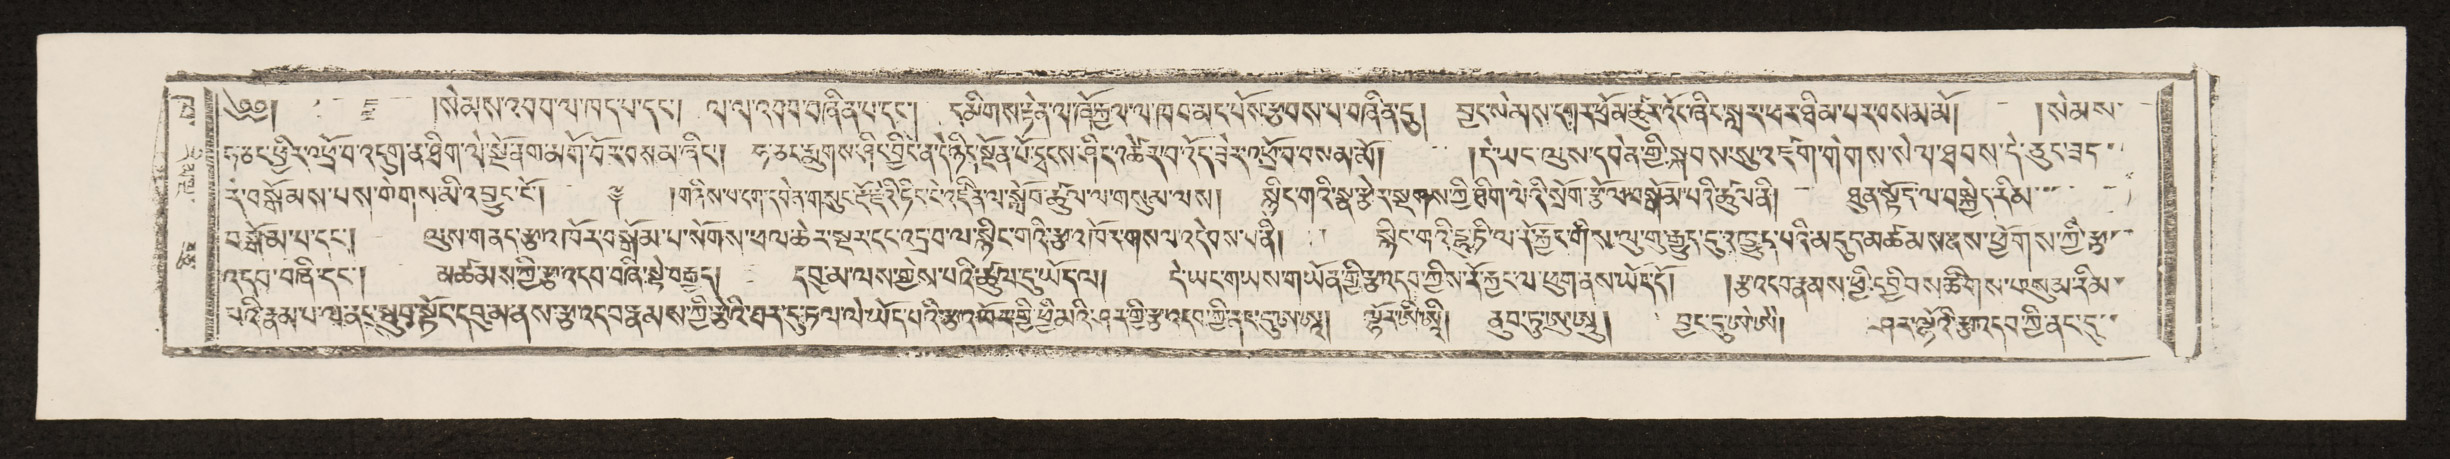༄༅། །སེམས་འབབ་ལ་ཁང་པ་དང་། ལ་ལ་འབབ་བཞིན་པ་དང་། དམིགས་རྟེན་ལ་ཞོ་རྐྱལ་ལ་ཁབ་མང་པོས་རྩབས་བ་བཞིན་དུ། བྱང་སེམས་དཀར་བྲོམ་ཚུར་འོང་ཞིང་སླར་ཕར་ཐིམ་པར་བསམ་མོ། །སེམས་
ཧ་ཅང་ཕྱིར་འཕྲོ་བ་འདུག་ན་ཐིག་ལེ་སྔོ་ནག་མགོ་བོར་བསམ་ཞིང་། ཧ་ཅང་རྨུགས་ཤིང་བྱིང་ན་དེ་ཉིད་སྔོན་པོ་དྭངས་ཤིང་འཚེར་བ་འོད་ཟེར་འཕྲོ་བ་བསམ་མོ། །དེ་ཡང་ལུས་དབེན་གྱི་སྐབས་སུ་འཛག་གེགས་སེལ་ཐབས་དེ་ཅུང་ཟད་
རེ་བསྒོམས་པས་གེགས་མི་འབྱུང་ངོ། ༈ །གཉིས་པ་ངག་དབེན་གསུང་རྡོ་རྗེའི་ཏིང་ངེ་འཛིན་ལ་སློབ་ཚུལ་ལ་གསུམ་ལས། སྙིང་གའི་སྣ་རྩེར་སྔགས་ཀྱི་ཐིག་ལེའི་སྲོག་ཅོལ་བསྒོམ་བའི་ཚུལ་ནི། ཐུན་སྟོད་ལ་བསྐྱེད་རིམ་
བསྒོམ་པ་དང་། ལུས་གནང་རྩ་འཁོར་བསྒོམ་བ་སོགས་ཕལ་ཆེར་སྔར་དང་འདྲ་བ་ལ་སྙིང་གའི་རྩ་འཁོར་གསལ་འདེབས་པ་ནི། སྙིང་གའི་དྷུ་ཏི་ལ་རོ་རྐྱང་གིས་ལུ་གུ་རྒྱུད་དུ་འཁྱུད་བའི་མདུང་མཚམས་ནས་ཕྱོགས་ཀྱི་རྩ་
འདབ་བཞི་དང་། མཚམས་ཀྱི་རྩ་འདབ་བཞི་སྟེ་བརྒྱད། དབུ་མ་ལས་གྱེས་པའི་ཚུལ་དུ་ཡོད་ལ། དེ་ཡང་གཡས་གཡོན་གྱི་རྩ་འདབ་ཀྱིས་རོ་རྐྱང་ལ་ཕུག་ནས་ཡོད་དོ། །རྩ་འདབ་རྣམས་ཕྱི་དབྱིབས་ཚིགས་པ་སུམ་རིམ་
བའི་རྣམ་པ་ལ་ནང་ཐུབ་སྟོང་དབུ་མ་ནས་རྩ་འདབ་རྣམས་ཀྱི་རྩེའི་བར་དུ་ཏལ་ཡེ་ཡོད་པའི་རྩ་འཁོར་གྱི་ཕྱི་མའི་ཤར་གྱི་རྩ་འདབ་ཀྱི་ནང་དུ་ཨ་ཨཱ། ལྷོར་ཨི་ཨཱི། ནུབ་ཏུ་ཨུ་ཨཱུ། བྱང་དུ་ཨེ་ཨཻ། ཤར་ལྷོའི་རྩ་འདབ་ཀྱི་ནང་དུ་